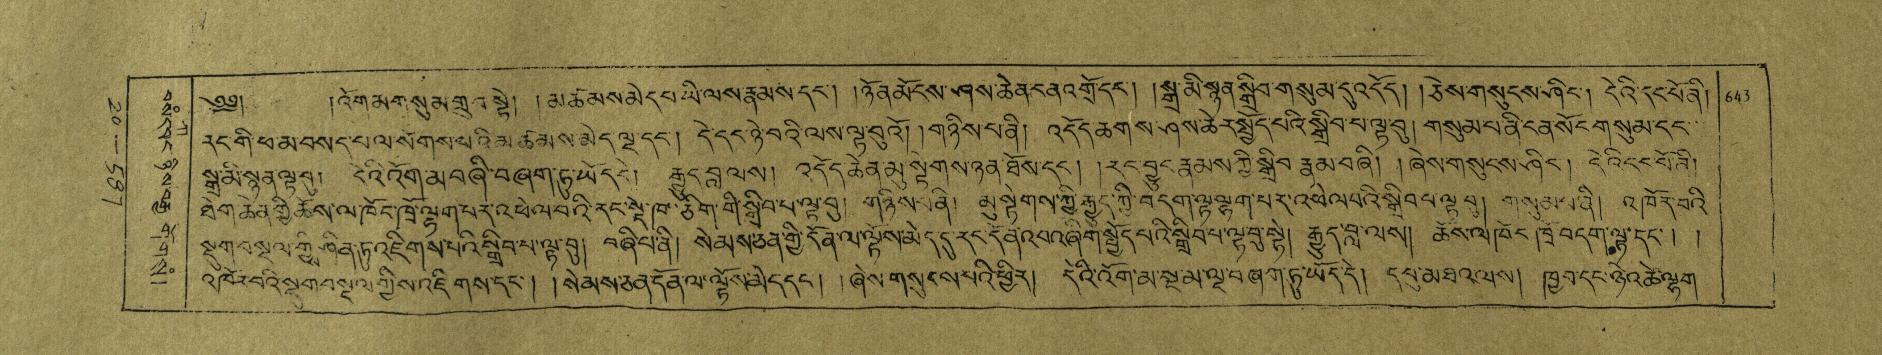༄༅། །འོག་མ་གསུམ་གྲུབ་སྟེ། །མཚམས་མེད་པ་ཡི་ལས་རྣམས་དང་། །ཉོན་མོངས་ཤས་ཆེན་ངན་འགྲོ་དང་། །སྒྲ་མི་སྙན་སྒྲིབ་གསུམ་དུ་འདོད། །ཅེས་གསུངས་ཤིང་། དེའི་དང་པོ་ནི།
རང་གི་ཕ་མ་བསད་པ་ལ་སོགས་པའི་མཚམས་མེད་ལྔ་དང་། དེ་དང་ཉེ་བའི་ལས་ལྟ་བུའོ། །གཉིས་པ་ནི། འདོད་ཆགས་ཤས་ཆེར་སྤྱོད་པའི་སྒྲིབ་པ་ལྟ་བུ། གསུམ་པ་ནི་ངན་སོང་གསུམ་དང་
སྒྲ་མི་སྙན་ལྟ་བུ། དེའི་འོག་མ་བཞི་བཞག་ཏུ་ཡོད་དེ། རྒྱུད་བླ་ལས། འདོད་ཆེན་མུ་སྟེགས་ཉན་ཐོས་དང་། །རང་བྱུང་རྣམས་ཀྱི་སྒྲིབ་རྣམ་བཞི། །ཞེས་གསུངས་ཤིང་། དེའི་དང་པོ་ནི།
ཐེག་ཆེན་གྱི་ཆོས་ལ་ཁོང་ཁྲོ་ལྷག་པར་འཕེལ་བའི་རང་སྡེ་ཁ་ཅིག་གི་སྒྲིབ་པ་ལྟ་བུ། གཉིས་པ་ནི། མུ་སྟེགས་ཀྱི་རྒྱུད་ཀྱི་བདག་ལྟ་ལྷག་པར་འཕེལ་བའི་སྒྲིབ་པ་ལྟ་བུ། གསུམ་པ་ནི། འཁོར་བའི་
སྡུག་བསྔལ་གྱིས་ཤིན་ཏུ་འཇིགས་པའི་སྒྲིབ་པ་ལྟ་བུ། བཞི་པ་ནི། སེམས་ཅན་གྱི་དོན་ལ་ལྟོས་མེད་དུ་རང་དོན་འབའ་ཞིག་སྤྱོད་པའི་སྒྲིབ་པ་ལྟ་བུ་སྟེ། རྒྱུད་བླ་ལས། ཆོས་ལ་ཁོང་ཁྲོ་བདག་ལྟ་དང་། །
འཁོར་བའི་སྡུག་བསྔལ་གྱིས་འཇིགས་དང་། །སེམས་ཅན་དོན་ལ་ལྟོས་མེད་དང་། །ཞེས་གསུངས་པའི་ཕྱིར། དེའི་འོག་མ་སྔ་མ་ལྔ་བཞག་ཏུ་ཡོད་དེ། དབུ་མཐའ་ལས། ཁྱབ་དང་ཉི་འཚེ་ལྷག་